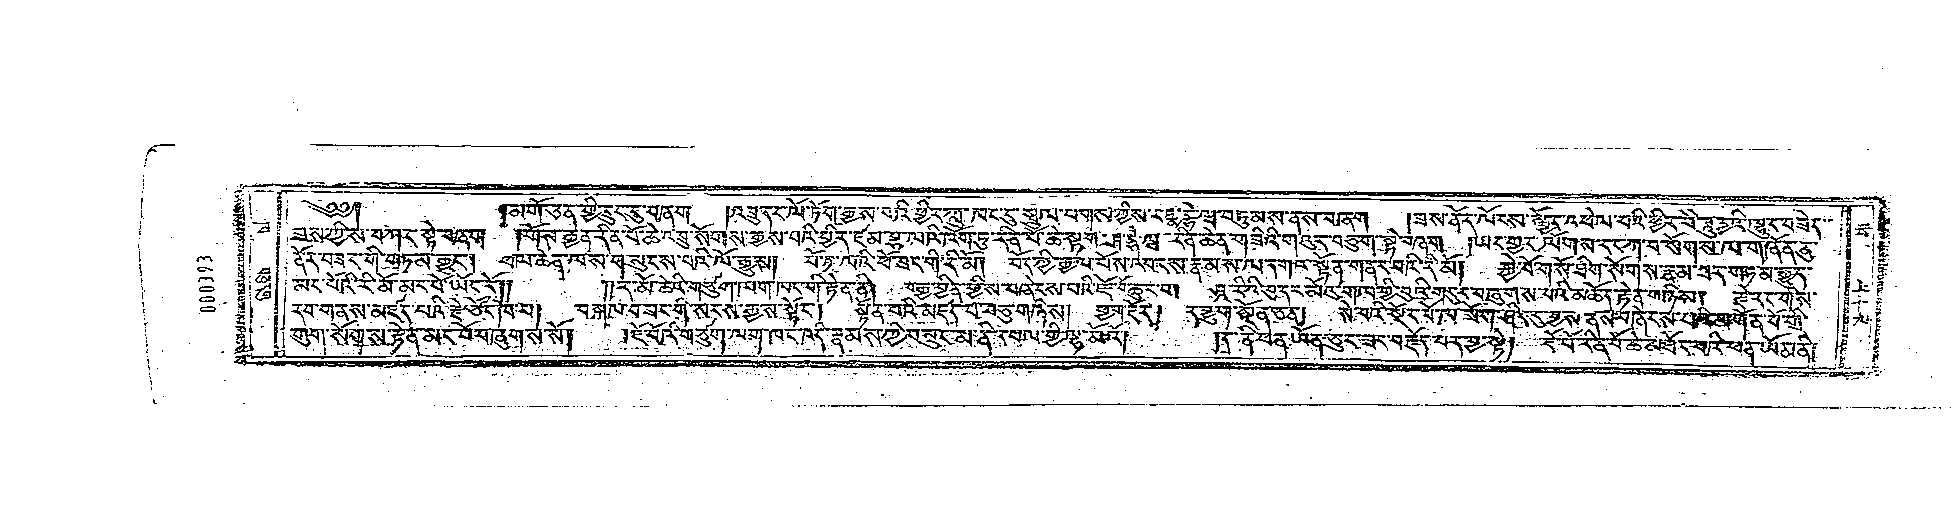༄༅། །མགོ་ཅན་གྱི་དྲུང་དུ་བཞག །འབྲུ་དང་ལོ་ཏོག་རྒྱས་པའི་ཕྱིར་ཀླུ་ཁང་དུ་སྦྲུལ་པགས་ཀྱིས་རཏྣ་དྷེ་ཝ་བཏུམས་ནས་བཞག །ཟས་ནོར་ལོངས་སྤྱོད་འཕེལ་བའི་ཕྱིར་བཻ་ཌཱུརྱའི་ལྷུང་བཟེད་
ཟས་ཀྱིས་བཀང་སྟེ་བཞག །གོས་རྒྱན་རིན་པོ་ཆེ་འབྲུ་སོགས་རྒྱས་པའི་ཕྱིར་ཛམ་བྷ་ལའི་འོག་ཏུ་རིན་པོ་ཆེ་སྟག་ཤ་དྷེ་ཝ་རིན་ཆེན་གཟིའི་གའུར་བཅུག་སྟེ་བཞག །ཡང་གྱང་ལོགས་དང་ཀ་བ་སོགས་ལ་གཞོན་ནུ་
ནོར་བཟང་གི་གཏམ་རྒྱུད། ཕལ་ཆེན་ལས་གསུངས་པའི་ལོ་རྒྱུས། པོ་ཏ་ལའི་ཕོ་བྲང་གི་རིམ་མོ། བོད་ཀྱི་རྒྱལ་པོས་འབངས་རྣམས་ལ་དགའ་སྟོན་གནང་བའི་རི་མོ། སྐྱེ་བོ་གསོ་ཐིག་སོགས་རྣམ་ཐར་གཏམ་རྒྱུད་
མང་པོའི་རི་མོ་མང་པོ་ཡོད་དོ།། །།ར་མོ་ཆེའི་གཙུག་ལག་ཁང་གི་རྟེན་ནི། བརྒྱ་བྱིན་གྱིས་བཞེངས་པའི་ཇོ་བོ་ཆུང་བ། ཤཱ་རིའི་བུ་དང་མོའུ་གལ་གྱི་བུའི་གདུང་བཞུགས་པའི་མཆོད་རྟེན་གཉིས། རྗེ་རང་གིས་
རབ་གནས་མཛད་པའི་རྗེ་ཙོང་ཁ་པ། བསྐལ་བཟང་གི་སངས་རྒྱས་སྟོང་། སྟོན་བའི་མཛད་པ་བཅུ་གཉིས། ཕྱག་རྡོར། དབྱུག་སྔོན་ཅན། སེ་བའི་སྡོང་པོ་ལ་སྲོག་ཤིང་དུ་བྱས་ནས་བཞེངས་པའི་མགོན་པོ་གྲི་
གུག་སོགས་རྟེན་མང་པོ་བཞུགས་སོ། །ཇོ་བོའི་གཙུག་ལག་ཁང་འདི་རྣམས་ཀྱི་བསྲུང་མ་ནི་དཔལ་གྱི་ལྷ་མོའོ། །ད་ནི་ཕན་ཡོན་ཅུང་ཟད་བརྗོད་པར་བྱ་སྟེ། ཇོ་བོ་རིན་པོ་ཆེ་མཐོང་བའི་ཕན་ཡོན་ནི།